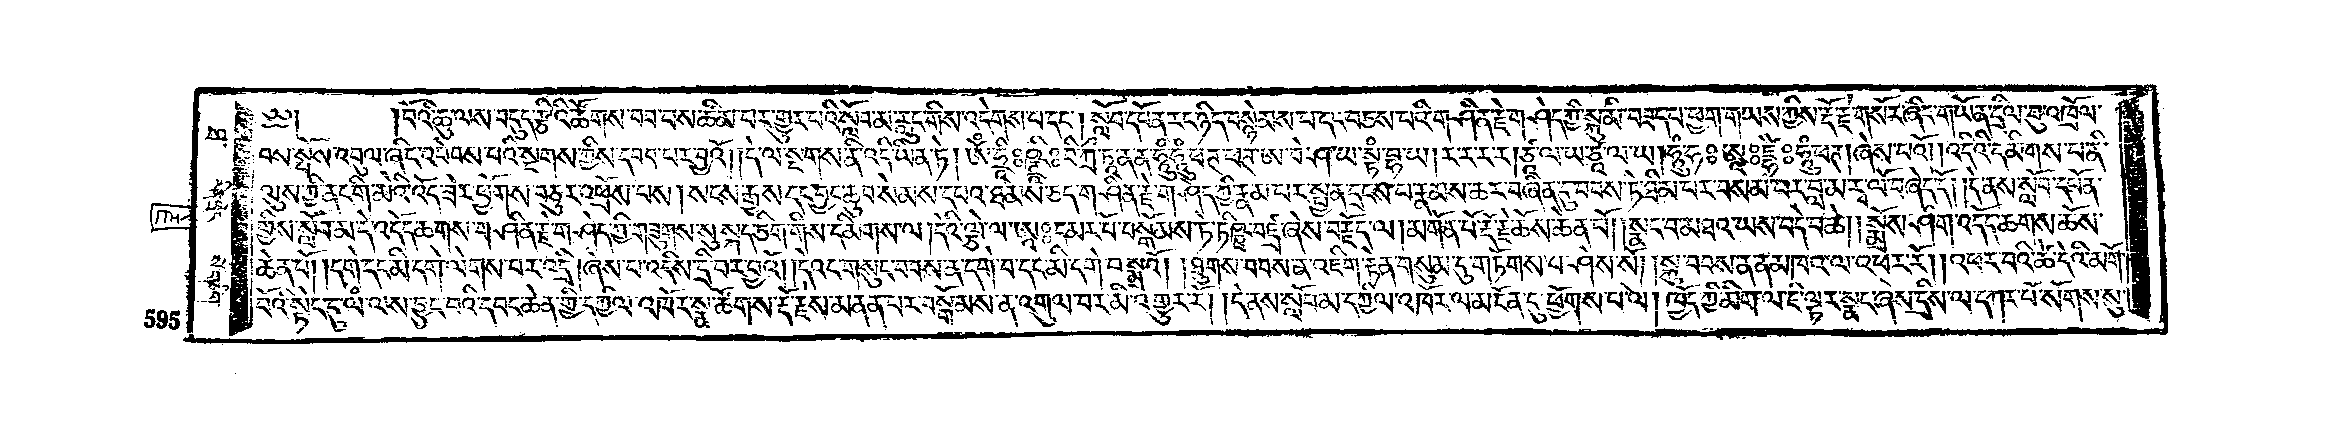༄༅། །བོའི་ཆུ་ལས་བདུད་རྩིའི་ཚོགས་བབ་པས་ཚིམ་པར་གྱུར་པའི་སློབ་མ་རླུང་གིས་འདེགས་པ་དང་། སློབ་དཔོན་རང་ཉིད་བསྙེམས་པ་དང་བཅས་པའི་གཤིན་རྗེ་གཤེད་ཀྱི་སྐུ་མི་བཟད་པ་ཕྱག་གཡས་ཀྱིས་རྡོ་རྗེ་གསོར་ཞིང་གཡོན་དྲིལ་བུ་འཁྲོལ་
བས་སྤོས་འབུལ་ཞིང་འབེབས་པའི་སྔགས་ཀྱིས་དབབ་པར་བྱའོ། །དེ་ལ་སྔགས་ནི་འདི་ཡིན་ཏེ། ཨོཾ་ཧྲཱིཿ ཥྚྲཱིཿ བི་ཀྲྀ་ཏཱ་ན་ན་ཧཱུཾ་ཧཱུཾ་ཕགས་ཕགས་ཨ་བེ་ཤ་ཡ་སྟཾ་བྷ་ཡ། ར་ར་ར་ར། ཙཱ་ལ་ཡ་ཙཱ་ལ་ཡ། ཧཱུཾ་ཧཿ ཨཱཿ ཛྷཻཿ ཧཱུཾ་ཕགས། ཞེས་པའོ། །འདིའི་དམིགས་པ་ནི་
ལུས་ཀྱི་ནང་གི་མེའི་འོད་ཟེར་ཕྱོགས་བཅུར་འཕྲོས་པས། སངས་རྒྱས་དང་བྱང་ཆུབ་སེམས་དཔའ་ཐམས་ཅད་གཤིན་རྗེ་གཤེད་ཀྱི་རྣམ་པར་སྤྱན་དྲངས་པ་རྣམས་ཆར་བཞིན་དུ་བབས་ཏེ་ཐིམ་པར་བསམ་པར་བླ་མ་རྭ་ལོ་བཞེད་དོ། །དེ་ནས་སློབ་དཔོན་
གྱིས་སློབ་མ་དེ་འདོད་ཆགས་གཤིན་རྗེ་གཤེད་ཀྱི་གཟུགས་སུ་སྐད་ཅིག་གིས་དམིགས་ལ། དེའི་ལྕེ་ལ་ཨཱཿ དམར་པོ་བསྒོམས་ཏེ་ཏིཥཊཿཨ་བཛྲ་ཞེས་བརྗོད་ལ། མགོན་པོ་རྡོ་རྗེ་ཆོས་ཆེན་པོ། །སྣང་བ་མཐའ་ཡས་བདེ་བ་ཆེ། །སྨྲོས་ཤིག་འདོད་ཆགས་ཆོས་
ཆེན་པོ། །དགེ་དང་མི་དགེ་ལེགས་པར་འདྲི། ཞེས་པ་འདིས་དྲི་བར་བྱའོ། །དེའང་གསུང་བབས་ན་དགེ་བ་དང་མི་དགེ་བ་སྨྲའོ། །ཐུགས་བབས་ན་འཇིག་རྟེན་གསུམ་དུ་གཏོགས་པ་ཤེས་སོ། །སྐུ་བབས་ན་ནམ་མཁའ་ལ་འཕར་རོ། །འཕར་བའི་ཚེ་དེའི་མགོ་
བོའི་སྟེང་དུ་ལཾ་ལས་བྱུང་བའི་དབང་ཆེན་གྱི་དཀྱིལ་འཁོར་སྣ་ཚོགས་རྡོ་རྗེས་མནན་པར་བསྒོམས་ན་འགུལ་བར་མི་འགྱུར་རོ། །དེ་ནས་སློབ་མ་དཀྱིལ་འཁོར་ལ་མངོན་དུ་ཕྱོགས་པ་ལ། ཁྱོད་ཀྱི་མིག་ལ་ཇི་ལྟར་སྣང་ཞེས་དྲིས་ལ་དཀར་པོ་སོགས་སུ་